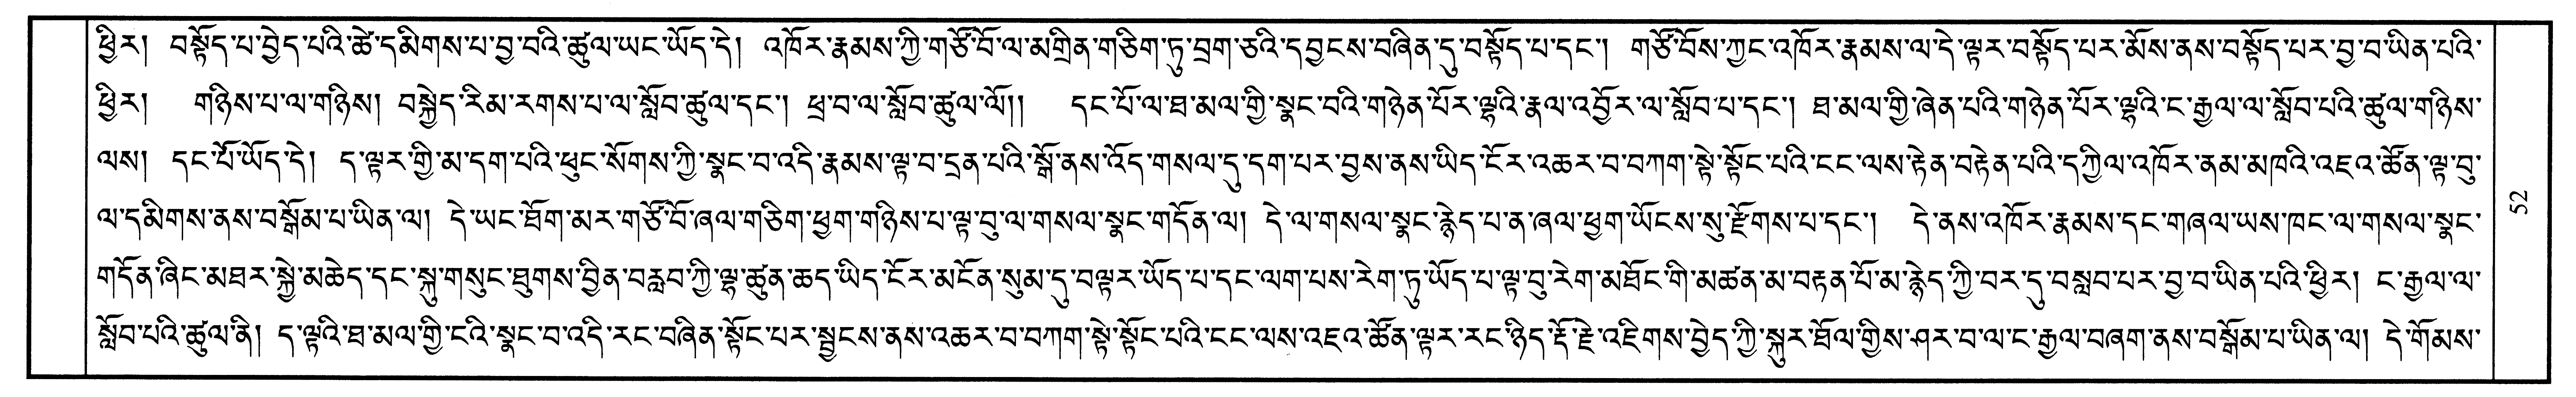ཕྱིར། བསྟོད་པ་བྱེད་པའི་ཚེ་དམིགས་པ་བྱ་བའི་ཚུལ་ཡང་ཡོད་དེ། འཁོར་རྣམས་ཀྱི་གཙོ་བོ་ལ་མགྲིན་གཅིག་ཏུ་བྲག་ཅའི་དབྱངས་བཞིན་དུ་བསྟོད་པ་དང་། གཙོ་བོས་ཀྱང་འཁོར་རྣམས་ལ་དེ་ལྟར་བསྟོད་པར་མོས་ནས་བསྟོད་པར་བྱ་བ་ཡིན་པའི་
ཕྱིར། གཉིས་པ་ལ་གཉིས། བསྐྱེད་རིམ་རགས་པ་ལ་སློབ་ཚུལ་དང་། ཕྲ་བ་ལ་སློབ་ཚུལ་ལོ།། དང་པོ་ལ་ཐ་མལ་གྱི་སྣང་བའི་གཉེན་པོར་ལྷའི་རྣལ་འབྱོར་ལ་སློབ་པ་དང་། ཐ་མལ་གྱི་ཞེན་པའི་གཉེན་པོར་ལྷའི་ང་རྒྱལ་ལ་སློབ་པའི་ཚུལ་གཉིས་
ལས། དང་པོ་ཡོད་དེ། ད་ལྟར་གྱི་མ་དག་པའི་ཕུང་སོགས་ཀྱི་སྣང་བ་འདི་རྣམས་ལྟ་བ་དྲན་པའི་སྒོ་ནས་འོད་གསལ་དུ་དག་པར་བྱས་ནས་ཡིད་ངོར་འཆར་བ་བཀག་སྟེ་སྟོང་པའི་ངང་ལས་རྟེན་བརྟེན་པའི་དཀྱིལ་འཁོར་ནམ་མཁའི་འཇའ་ཚོན་ལྟ་བུ་
ལ་དམིགས་ནས་བསྒོམ་པ་ཡིན་ལ། དེ་ཡང་ཐོག་མར་གཙོ་བོ་ཞལ་གཅིག་ཕྱག་གཉིས་པ་ལྟ་བུ་ལ་གསལ་སྣང་གདོན་ལ། དེ་ལ་གསལ་སྣང་རྙེད་པ་ན་ཞལ་ཕྱག་ཡོངས་སུ་རྫོགས་པ་དང་། དེ་ནས་འཁོར་རྣམས་དང་གཞལ་ཡས་ཁང་ལ་གསལ་སྣང་
གདོན་ཞིང་མཐར་སྐྱེ་མཆེད་དང་སྐུ་གསུང་ཐུགས་བྱིན་བརླབ་ཀྱི་ལྷ་ཚུན་ཆད་ཡིད་ངོར་མངོན་སུམ་དུ་བལྟར་ཡོད་པ་དང་ལག་པས་རེག་ཏུ་ཡོད་པ་ལྟ་བུ་རེག་མཐོང་གི་མཚན་མ་བརྟན་པོ་མ་རྙེད་ཀྱི་བར་དུ་བསླབ་པར་བྱ་བ་ཡིན་པའི་ཕྱིར། ང་རྒྱལ་ལ་
སློབ་པའི་ཚུལ་ནི། ད་ལྟའི་ཐ་མལ་གྱི་ངའི་སྣང་བ་འདི་རང་བཞིན་སྟོང་པར་སྦྱངས་ནས་འཆར་བ་བཀག་སྟེ་སྟོང་པའི་ངང་ལས་འཇའ་ཚོན་ལྟར་རང་ཉིད་རྡོ་རྗེ་འཇིགས་བྱེད་ཀྱི་སྐུར་ཐོལ་གྱིས་ཤར་བ་ལ་ང་རྒྱལ་བཞག་ནས་བསྒོམ་པ་ཡིན་ལ། དེ་གོམས་